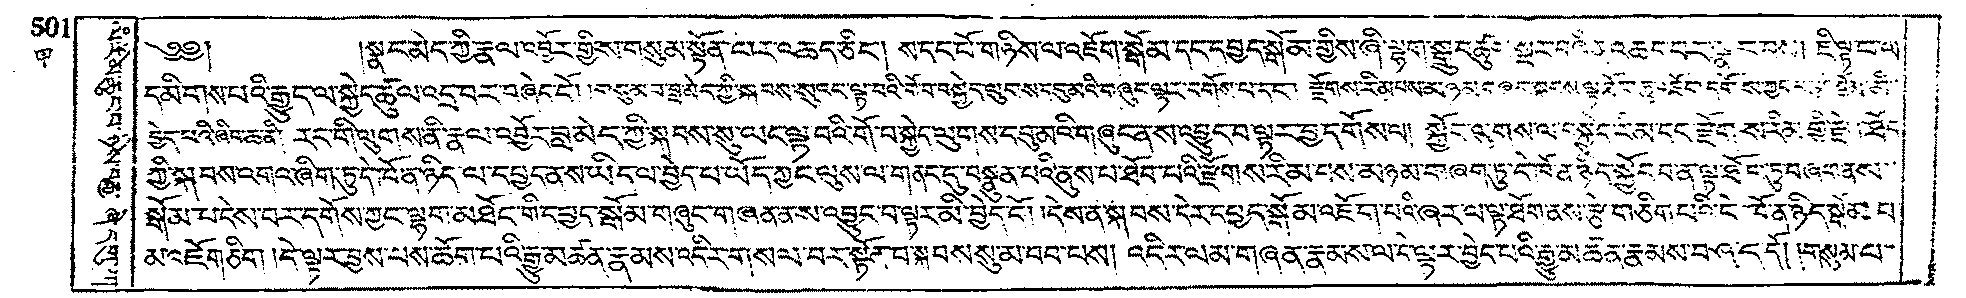༄༅། །སྣང་མེད་ཀྱི་རྣལ་འབྱོར་གྱིས་གསུམ་སྟོན་པར་འཆད་ཅིང་། ས་དང་པོ་གཉིས་ལ་འཇོག་སྒོམ་དང་དཔྱད་སྒོམ་གྱིས་ཞི་ལྷག་སྒྲུབ་ཚུལ་སྔར་བཞིན་འཆད་པར་སྣང་བས། ཇི་ལྟ་བ་ལ་
དམིགས་པའི་རྒྱུད་ལ་སྐྱེད་ཚུལ་འདྲ་བར་བཞེད་དོ། །གསུམ་པ་བླ་མེད་ཀྱི་སྐབས་སུའང་ལྟ་བའི་གོ་བ་བསྐྱེད་ལུགས་དབུ་མའི་གཞུང་ལྟར་དགོས་པ་དང་། རྫོགས་རིམ་པས་མཉམ་པ་ཞག་སྐབས་ལྟ་ཐོག་ཏུ་འཇོག་དགོས་ཀྱང་དཔྱད་སྒོམ་མི་
བྱེད་པའི་ཞིབ་ཆ་ནི། རང་གི་ལུགས་ནི་རྣལ་འབྱོར་བླ་མེད་ཀྱི་སྐབས་སུ་ཡང་ལྟ་བའི་གོ་བ་སྐྱེད་ལུགས་དབུ་མའི་གཞུང་ནས་འབྱུང་བ་ལྟར་བྱ་དགོས་ལ། སྐྱོང་ལུགས་ལ་བསྐྱེད་རིམ་དང་རྫོགས་རིམ་གྱི་རྗེས་ཐོབ་
ཀྱི་སྐབས་འགའ་ཞིག་ཏུ་དེ་ཁོ་ན་ཉིད་ལ་དཔྱད་ནས་ཡིད་ལ་བྱེད་པ་ཡོད་ཀྱང་ལུས་ལ་གནང་དུ་བསྣུན་པའི་ནུས་པ་ཐོབ་པའི་རྫོགས་རིམ་པས་མཉམ་གཞག་ཏུ་དེ་ཁོ་ན་ཉིད་སྐྱོང་བ་ན་ལྟ་ཐོག་ཏུ་བཞག་ནས་
སྒོམ་པ་ངེས་པར་དགོས་ཀྱང་ལྷག་མཐོང་གི་དཔྱད་སྒོམ་གཞུང་གཞན་ནས་འབྱུང་བ་ལྟར་མི་བྱེད་དོ། །དེས་ན་སྐབས་དེར་དཔྱད་སྒོམ་འཇོག་པའི་ཞར་ལ་ལྟ་ཐོག་ནས་རྩེ་གཅིག་པའི་དེ་ཁོ་ན་ཉིད་སྒོམ་པ་
མ་འཇོག་ཅིག །དེ་ལྟར་བྱས་པས་ཆོག་པའི་རྒྱུ་མཚན་རྣམས་འདིར་གསལ་བར་སྟོན་པ་སྐབས་སུ་མ་བབ་པས། འདིར་ལམ་གཞན་རྣམས་ལ་དེ་ལྟར་བྱེད་པའི་རྒྱུ་མཚན་རྣམས་བཤད་དོ། །གསུམ་པ་